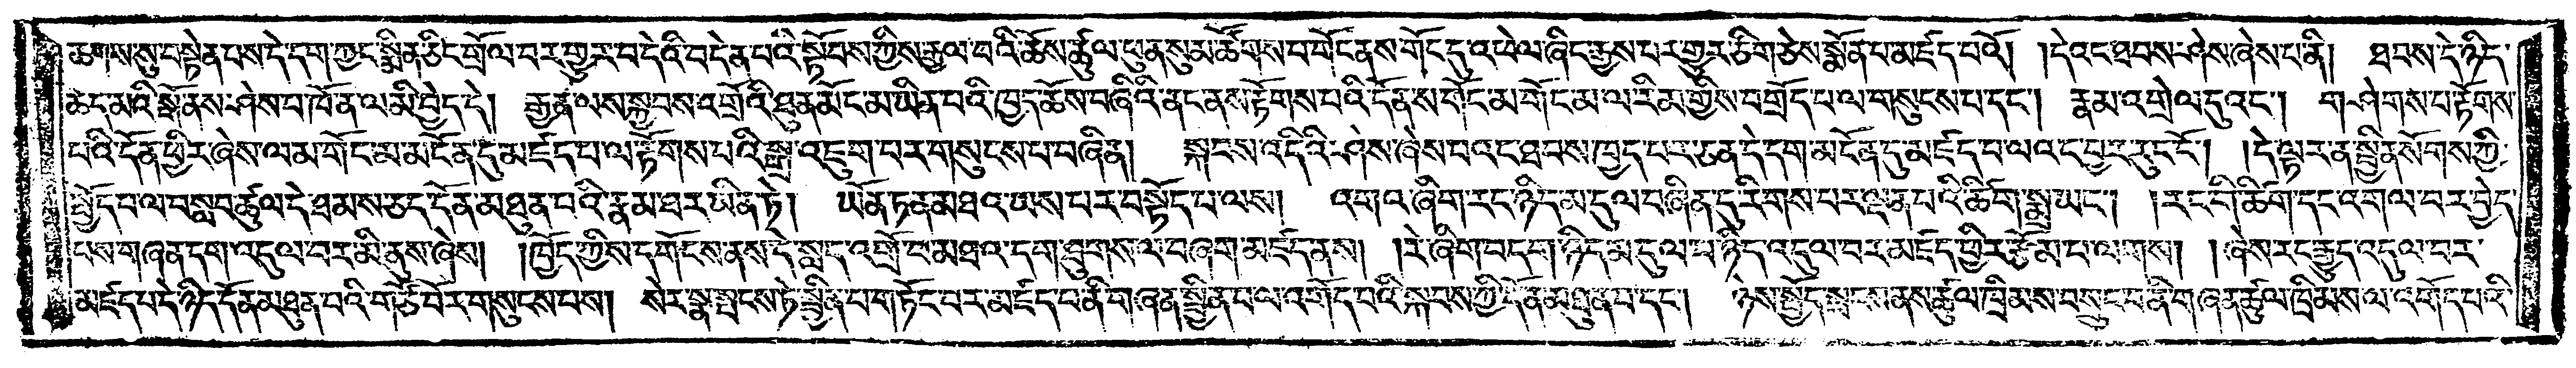ཆགས་སུ་བསྟེན་པས་དེ་དག་ཀྱང་སྨིན་ཅིང་གྲོལ་བར་གྱུར་བ་དེའི་བདེན་བའི་སྟོབས་ཀྱིས་རྒྱལ་བའི་ཆོས་ཚུལ་ཕུན་སུམ་ཚོགས་པ་གོང་ནས་གོང་དུ་འཕེལ་ཞིང་རྒྱས་པར་གྱུར་ཅིག་ཅེས་སྨོན་པ་མཛད་པའོ། །དེའང་ཐབས་ཤེས་ཞེས་པ་ནི། ཐབས་དེ་ཉིད་
ཚད་མའི་སྒོ་ནས་ཤེས་པ་ཁོ་ན་ལ་མི་བྱེད་དེ། རྒྱན་ལས་སྐྱབས་འགྲོའི་ཐུན་མོང་མ་ཡིན་པའི་ཁྱད་ཆོས་བཞིའི་ནང་ནས་རྟོགས་པའི་དོན་ས་གོང་མ་གོང་མ་ལ་རིམ་གྱིས་བགྲོད་པ་ལ་གསུངས་པ་དང་། རྣམ་འགྲེལ་དུའང་། གཤེགས་པ་རྟོགས་
པའི་དོན་ཕྱིར་ཞེས་ལམ་གོང་མ་མངོན་དུ་མཛད་པ་ལ་རྟོགས་པའི་སྒྲ་འཇུག་པར་གསུངས་པ་བཞིན། སྐབས་འདིའི་ཤེས་ཞེས་པའང་ཐབས་ཁྱད་པར་ཅན་དེ་དག་མངོན་དུ་མཛད་པ་ལའང་བྱར་རུང་ངོ། །དེ་ལྟར་ན་སྦྱིན་སོགས་ཀྱི་
སྤྱོད་པ་ལ་བསླབ་ཚུལ་དེ་ཐམས་ཅད་དོན་མཐུན་བའི་རྣམ་ཐར་ཡིན་ཏེ། ཡོན་ཏན་མཐའ་ཡས་པར་བསྟོད་པ་ལས། འགའ་ཞིག་རང་ཉིད་མ་དུལ་བཞིན་དུ་རིགས་པར་ལྡན་བའི་ཚིག་སྨྲ་ཡང་། །རང་གི་ཚིག་དང་འགལ་བར་བྱེད་
ངས་གཞན་དག་འདུལ་བར་མི་ནུས་ཞེས། །ཁྱོད་ཀྱིས་དགོངས་ནས་དེ་སླད་འགྲོ་བ་མཐའ་དག་ཐུགས་ལ་བཞག་མཛད་ནས། །རེ་ཞིག་བདག་ཉིད་མ་དུལ་བ་ཉིད་འདུལ་བར་མཛད་ཕྱིར་རྩོམ་པ་ལགས། །ཞེས་རང་རྒྱུད་འདུལ་བར་
མཛད་པ་དེ་ཉིད་དོན་མཐུན་པའི་གཙོ་བོར་གསུངས་པས། སེར་སྣ་སྤངས་ཏེ་སྦྱིན་པ་གཏོང་བར་མཛད་པ་ནི་གཞན་སྦྱིན་པ་ལ་འགོད་བའི་སྐབས་ཀྱི་དོན་མཐུན་པ་དང་། ཉེས་སྤྱོད་སྤངས་ནས་ཚུལ་ཁྲིམས་བསྲུང་བ་ནི་གཞན་ཚུལ་ཁྲིམས་ལ་འགོད་པའི་